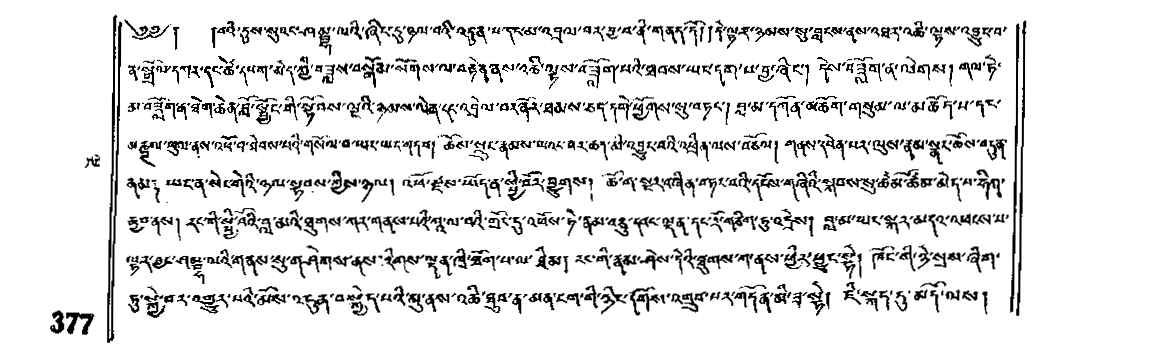༄༅། །བའི་དུས་སུའང་ཤམྦྷ་ལའི་ཞིང་དུ་ཉལ་བའི་འདུན་པ་དང་མ་འབྲལ་བར་བྱ་བ་ནི་གནད་དོ། །དེ་ལྟར་ཉམས་སུ་བླངས་ནས་འཐར་འཆི་ལྟས་འབྱུང་བ་
ན་སྒྲོལ་དཀར་དང་ཚེ་དཔག་མེད་ཀྱི་བཟླས་བསྒོམ་སོགས་ལ་བརྟེན་ནས་འཆི་ལྟས་བཟློག་པའི་ཐབས་ཡང་དག་པ་བྱ་ཞིང་། དེས་བཟློག་ན་ལེགས། གལ་ཏེ་
མ་བཟློག་ན་ཐེག་ཆེན་བློ་སྦྱོང་གི་སྟོབས་ལྔའི་ཉམས་ལེན་དང་འབྲེལ་བར་ཞོར་ཐམས་ཅད་དགེ་ཕྱོགས་སུ་བཏང་། བླ་མ་དཀོན་མཆོག་གསུམ་ལ་མཆོད་པ་དང་
མཎྜལ་ཕུལ་ནས་འཕོ་བ་ཐེབས་པའི་གསོལ་བ་ཡང་ཡང་གདབ། ཆོས་སྲུང་རྣམས་ལའང་བར་ཆད་མི་འབྱུང་བའི་འཕྲིན་ལས་བཅོལ། གནས་དབེན་པར་ལུས་རྣམ་སྣང་ཆོས་བདུན་
ནམ༑ ཡང་ན་སེང་གེའི་ཉལ་སྟབས་ཀྱིས་ཉལ། འཕོ་རྫས་ཡོད་ན་སྤྱི་བོར་བྱུགས། ཆོ་ག་སྔར་བཞིན་བཏང་བའི་དངོས་གཞིའི་སྐབས་སུ་ཚམ་ཚོམ་མེད་པ་ཧིཀ་
རྒྱབ་ནས། རང་གི་སྤྱི་བོའི་བླ་མའི་ཐུགས་ཀར་གནས་པའི་ཀཱ་ལ་བའི་གྲོང་དུ་འཕོས་ཏེ་རྣམ་བཅུ་དབང་ལྡན་དང་རོ་གཅིག་ཏུ་འདྲེས། བླ་མ་ཡང་སྐར་མདའ་འཕངས་པ་
ལྟར་བྱང་ཤམྦྷ་ལའི་གནས་སུ་གཤེགས་ནས་རིགས་ལྡན་ཁྲི་ཐོག་པ་ལ་ཐིམ། རང་གི་རྣམ་ཤེས་དེའི་ཐུགས་ཀ་ནས་ཕྱིར་ཕྱུང་སྟེ། ཁོང་གི་ཉེ་སྲས་ཞིག་
ཏུ་སྐྱེ་བར་འགྱུར་པའི་མོས་འདུན་བསྐྱེད་པའི་མུ་ནས་འཆི་ཐུབ་ན་མན་ངག་གི་ཉིད་དགོས་འགྲུབ་པར་གདོན་མི་ཟ་སྟེ། ཇི་སྐད་དུ་མདོ་ལས།